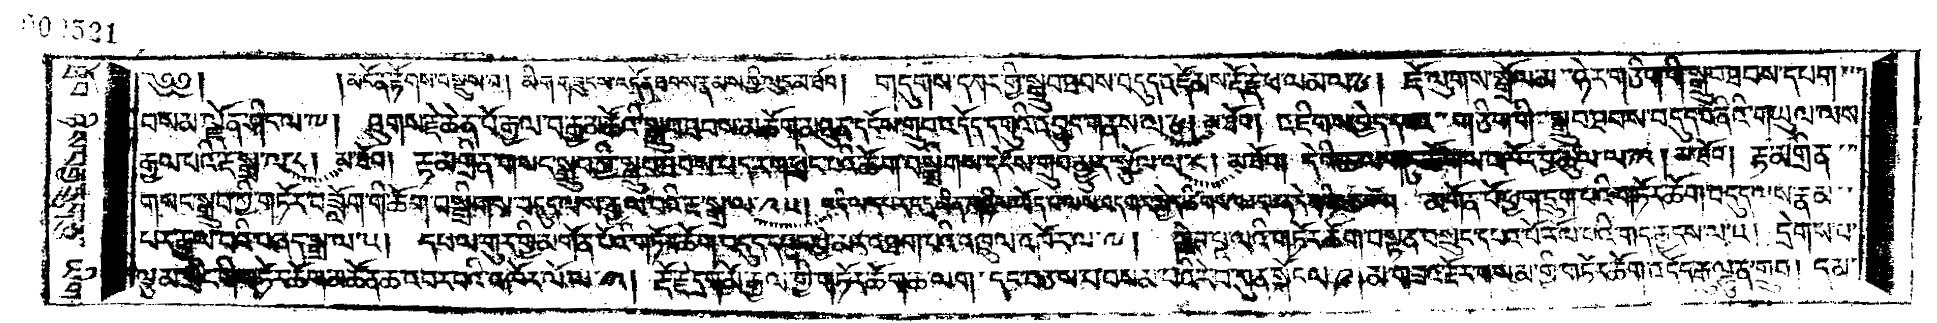༄༅། །མངོན་རྟོགས་བསྡུས་པ། མིག་གཟུངས་འདོན་ཐབས་རྣམས་ཀྱི་ལུང་མ་ཐོབ། གདུགས་དཀར་གྱི་སྒྲུབ་ཐབས་བདུད་འཇོམས་རྡོ་རྗེ་ཕ་ལམ་ལ ༦། ཇོ་ལུགས་སྒྲོལ་མ་ཉེར་གཅིག་གི་སྒྲུབ་ཐབས་དཔག་
བསམ་ལྗོན་ཤིང་ལ ༧། ཐུགས་རྗེ་ཆེན་པོ་རྒྱལ་བ་རྒྱ་མཚོའི་སྒྲུབ་ཐབས་མཆོག་མཐུན་དངོས་གྲུབ་འདོད་དགུའི་འབྱུང་གནས་ལ་མ་ཐོབ།  ༦། འཇིགས་བྱེད་དཔའ་གཅིག་གི་སྒྲུབ་ཐབས་བདུད་བཞིའི་གཡུལ་ལས་
རྒྱལ་པའི་རྔ་སྒྲ་ལ་མ་ཐོབ།  ༨། རྟ་མགྲིན་གསང་སྒྲུབ་ཀྱི་སྒྲུབ་ཐབས་པད་རག་ཕྲེང་པའི་ཆོག་བསྒྲིགས་དངོས་གྲུབ་མྱུར་སྩོལ་ལ་མ་ཐོབ།  ༨། དེའི་ཆ་ལག་ཏུ་ཚོགས་འཁོར་བྱ་ཚུལ་ལ ༣། མ་ཐོབ། རྟ་མགྲིན་
གསང་སྒྲུབ་ཀྱི་གཏོར་བཟློག་གི་ཆོག་བསྒྲིགས་བདུད་ལས་རྒྱལ་བའི་རྔ་སྒྲ་ལ་འདི་ལ་དཔར་འདྲ་མིན་གཉིས་ཡོད་པ་ལས་བདག་བསྐྱེད་ཚིགས་བཅད་ཅན་དེ་ཀའི་ལུང་ཐོབ།  ༢༥། མགོན་པོ་ཕྱག་དྲུག་པའི་གཏོར་ཆོག་བདུད་ལས་རྣམ་
པར་གྱལ་བའི་བཞད་སྒྲ་ལ ༥། དཔལ་གུར་གྱི་མགོན་པོའི་གཏོར་ཆོག་བདུད་དཔུང་ཕྱེ་མར་འཐག་པའི་འཁྲུལ་འཁོར་ལ ༧། ཀྵེཊ་པཱ་ལའི་གཏོར་ཆོག་བསྟན་བསྲུང་དཔའ་པོ་རོལ་པའི་གད་རྒྱངས་ལ ༥། དྲེགས་པ་
ལྕམ་སྲིང་གི་གཏོར་ཆོག་མཚོན་ཆ་འབར་བའི་འཁོར་ལོ་ལ ༣། རྡོ་རྗེ་དྲག་མོ་རྒྱལ་གྱི་གཏོར་ཆོག་ཆ་ལག་དང་བཅས་པ་བསམ་པའི་རེ་བ་ཀུན་སྐོང་ལ ༩། མ་གཟའ་རྡོར་གསུམ་གྱི་གཏོར་ཆོག་འདོད་རྒུ་ལྷུན་གྲུབ། དམ་